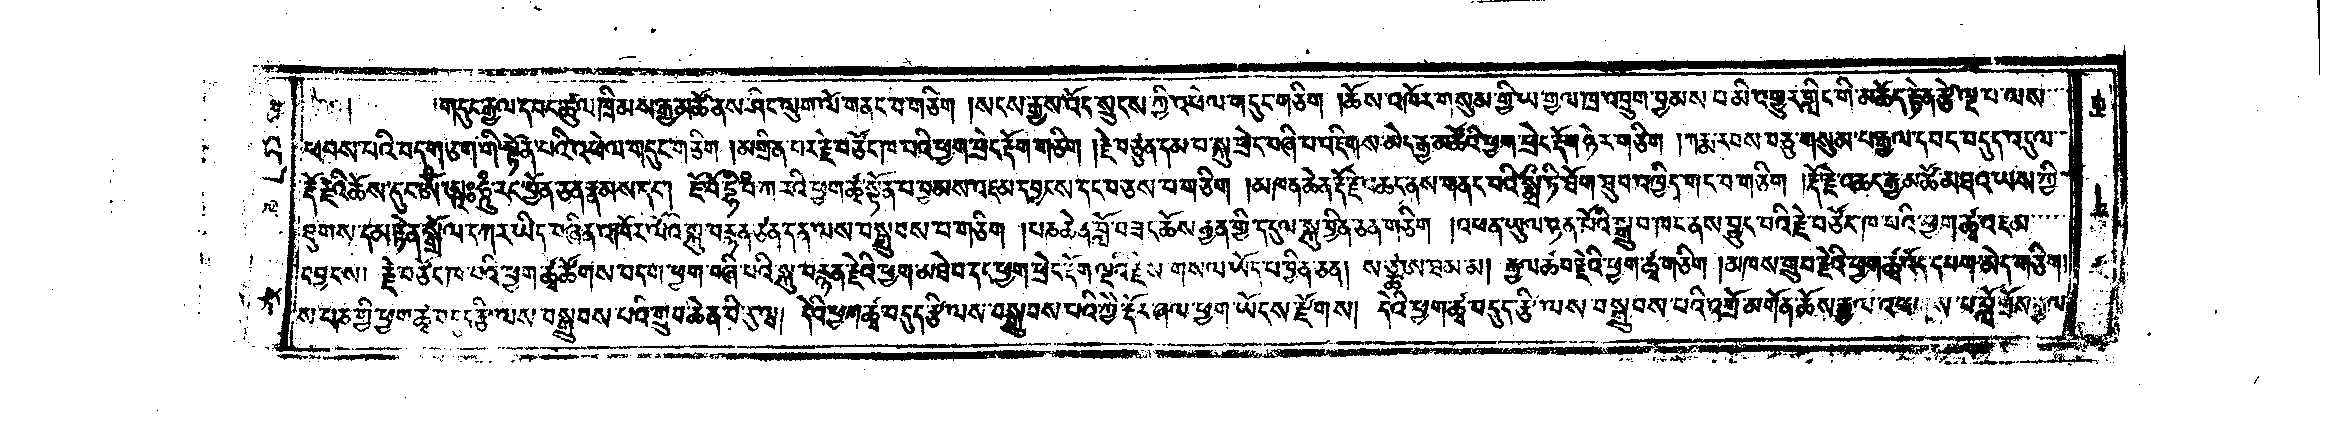༄༅། །གདུང་རྒྱལ་དབང་ཚུལ་ཁྲིམས་རྒྱ་མཚོ་ནས་ཤིང་ལུག་ལོ་གནང་བ་གཅིག །སངས་རྒྱས་འོད་སྲུངས་ཀྱི་འཕེལ་གདུང་གཅིག །ཆོས་འཁོར་གསུམ་གྱི་ཡ་གྱལ་ཁྲ་འབྲུག་བྱམས་པ་མི་འགྱུར་གླིང་གི་མཆོད་རྟེན་རྩེ་ལྔ་པ་ལས་
ཕབས་པའི་བདག་ཅག་གི་སྟོན་པའི་འཕེལ་གདུང་གཅིག །མགྲིན་པར་རྗེ་བཙོང་ཁ་པའི་ཕྱག་ཕྲེང་རྡོག་གཅིག །རྗེ་བཙུན་དམ་པ་སྐུ་ཕྲེང་བཞི་པ་འཇིགས་མེད་རྒྱ་མཚོའི་ཕྱག་ཕྲེང་རྡོག་ཉེར་གཅིག །ཀརྨ་རབས་བཅུ་གསུམ་པ་རྒྱལ་དབང་བདུད་འདུལ་
རྡོ་རྗེའི་ཆོས་དུང་ཨོཾ་ཨཱཿཧཱུཾ་རང་བྱོན་ཅན་རྣམས་དང་། ཇོ་བོ་དྷི་བཾ་ཀ་རའི་ཕྱག་ཚྭ་སྟོན་པ་བྱམས་འཇམ་དབྱངས་དང་བཅས་པ་གཅིག །མཁན་ཆེན་རྡོ་རྗེ་འཆང་ནས་གནང་བའི་སྨྲྀ་ཏི་ཐོག་ཐུབ་འཁྱིད་གང་བ་གཅིག །རྡོ་རྗེ་འཆང་རྒྱ་མཚོ་མཐའ་ཡས་ཀྱི་
ཐུགས་དམ་རྟེན་སྒྲོལ་དཀར་ཡིད་བཞིན་འཁོར་ལོའི་སྐུ་བརྙན་ཙན་དན་ལས་བསྒྲུབས་པ་གཅིག །པཎ་ཆེན་བློ་བཟང་ཆོས་རྒྱན་གྱི་དངུལ་སྐུ་བྱིན་ཅན་གཅིག །འཕན་ཡུལ་ཉན་པོའི་སྒྲུབ་ཁང་ནས་བྱུང་བའི་རྗེ་བཙོང་ཁ་པའི་ཕྱག་ཚྭ་འཇམ་
དབྱངས། རྗེ་བཙོང་ཁ་པའི་ཕྱག་ཚྭ་ཚོགས་བདག་ཕྱག་བཞི་པའི་སྐུ་བརྙན་རྗེའི་ཕྱག་མཐེབ་དང་ཕྱག་ཕྲེང་རྡོག་ལྔའི་རྗེས་གསལ་ཡོད་པ་བྱིན་ཅན། ས་ཙྪ་ཨ་ཐམ་མ། རྒྱལ་ཚབ་རྗེའི་ཕྱག་ཚྭ་གཅིག །མཁས་གྲུབ་རྗེའི་ཕྱག་ཚྭ་འོད་དཔག་མེད་གཅིག།
ས་པཎ་གྱི་ཕྱག་ཚྭ་བདུད་རྩི་ལས་བསྒྲུབས་པའི་གྲུབ་ཆེན་བི་རུ་ཝ། དེའི་ཕྱག་ཚྭ་བདུད་རྩི་ལས་བསྒྲུབས་པའི་ཀྱཻ་རྡོར་ཞལ་ཕྱག་ཡོངས་རྫོགས། དེའི་ཕྱག་ཚྭ་བདུད་རྩི་ལས་བསྒྲུབས་པའི་འགྲོ་མགོན་ཆོས་རྒྱལ་འཕགས་པ་བློ་གྲོས་རྒྱལ་